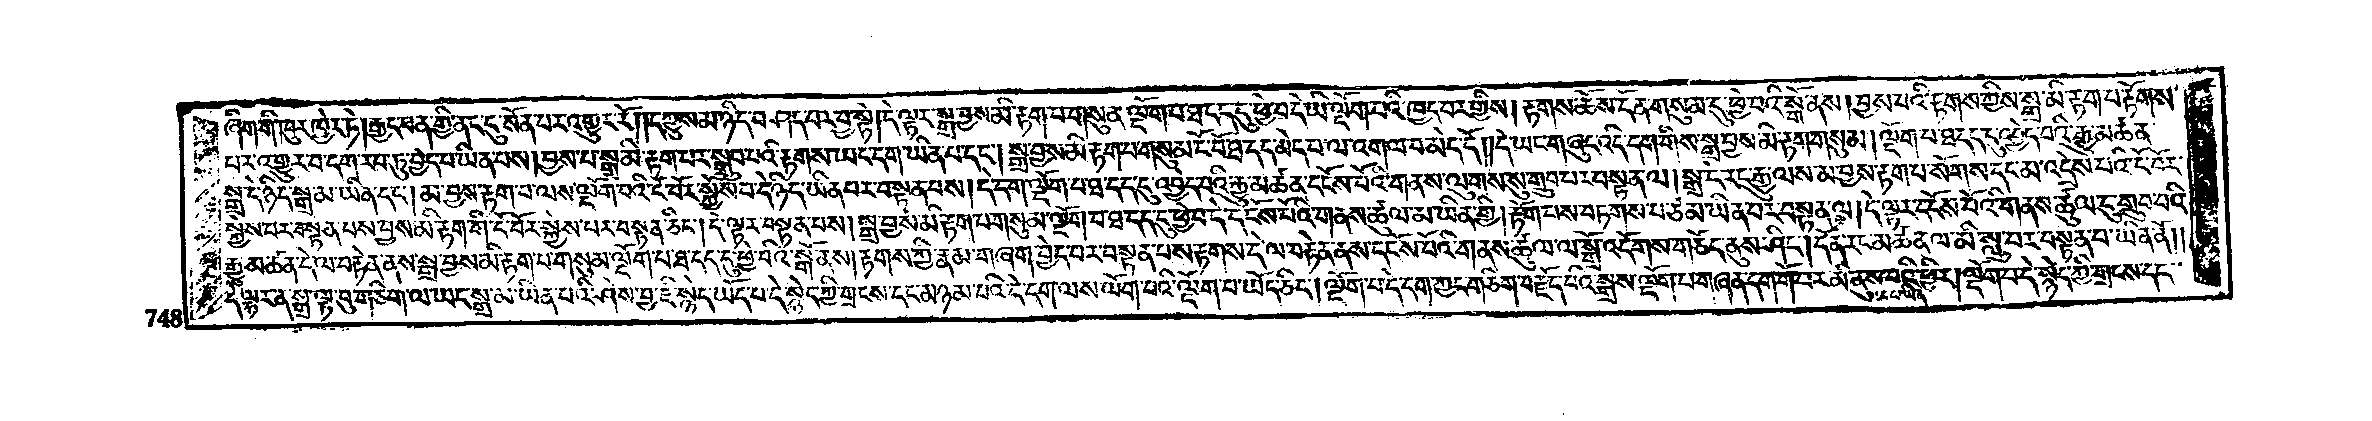ཞིག་གི་ཁུར་ཁྱེར་ཏེ། རྒྱང་ཕན་གྱི་ནང་དུ་སོན་པར་འགྱུར་རོ། །དཀྱུས་མ་ཉིད་བཤད་པར་བྱ་སྟེ། དེ་ལྟར་སྒྲ་བྱས་མི་རྟག་པ་གསུམ་ལྡོག་པ་ཐ་དད་དུ་ཕྱེ་བ་དེ་ཡི་ལྡོག་པའི་ཁྱད་པར་གྱིས། རྟགས་ཆོས་དོན་གསུམ་དུ་ཕྱེ་བའི་སྒོ་ནས། བྱས་པའི་རྟགས་ཀྱིས་སྒྲ་མི་རྟག་པ་རྟོགས་
པར་འགྱུར་བ་དག་རབ་ཏུ་བྱེད་པ་ཡིན་པས། བྱས་པ་སྒྲ་མི་རྟག་པར་སྒྲུབ་པའི་རྟགས་ཡང་དག་ཡིན་པ་དང་། སྒྲ་བྱས་མི་རྟག་པ་གསུམ་ངོ་བོ་ཐ་དད་མེད་པ་ལ་འགལ་བ་མེད་དོ། །དེ་ཡང་གཞུང་འདི་དག་གིས་སྒྲ་བྱས་མི་རྟག་གསུམ། ལྡོག་པ་ཐ་དད་དུ་འབྱེད་པའི་རྒྱུ་མཚན་
སྒྲ་དེ་ཉིད་སྒྲ་མ་ཡིན་དང་། མ་བྱས་རྟག་པ་ལས་ལྡོག་པའི་ངོ་བོར་སྐྱོས་པ་དེ་ཉིད་ཡིན་པར་བསྟན་པས། དེ་དག་ལྡོག་པ་ཐ་དད་དུ་འབྱེད་བའི་རྒྱུ་མཚན་དངོས་པོའི་གནས་ལུགས་སུ་གྲུབ་པར་བསྟན་ལ། སྒྲ་དེ་རང་རྒྱུ་ལས་མ་བྱས་རྟག་པ་སོགས་དང་མ་འདྲེས་པའི་ངོ་བོར་
སྐྱེས་པར་བསྟན་པས་བྱས་མི་རྟག་གི་ངོ་བོར་སྐྱེས་པར་བསྟན་ཅིང་། དེ་ལྟར་བསྟན་པས། སྒྲ་བྱས་མི་རྟག་པ་གསུམ་ལྡོག་པ་ཐ་དད་དུ་ཕྱེ་བ་དེ་དངོས་པོའི་གནས་ཚུལ་མ་ཡིན་གྱི། རྟོག་པས་བཏགས་པ་ཙམ་ཡིན་པར་བསྟན་པ་ཡིན་ལ། དེ་ལྟར་དངོས་པོའི་གནས་ཚུལ་དུ་གྲུབ་པའི་
རྒྱུ་མཚན་དེ་ལ་བརྟེན་ནས་སྒྲ་བྱས་མི་རྟག་པ་གསུམ་ལྡོག་པ་ཐ་དད་དུ་ཕྱེ་བའི་སྒོ་ནས། རྟགས་ཀྱི་རྣམ་གཞག་བྱེད་པར་བསྟན་པས་རྟགས་དེ་ལ་བརྟེན་ནས་དངོས་པོའི་གནས་ཚུལ་ལ་སྒྲོ་འདོགས་གཅོད་ནུས་ཤིང་། དོན་རང་མཚན་ལ་མི་སླུ་བར་བསྟན་པ་ཡིན་ནོ།།
དེ་ལྟར་ན་སྒྲ་ལྟ་བུ་གཅིག་ལ་ཡང་སྒྲ་མ་ཡིན་པའི་ཤེས་བྱ་ཇི་སྙེད་ཡོད་པ་དེ་སྙེད་ཀྱི་གྲངས་དང་མཉམ་པའི་དེ་དག་ལས་ལོག་པའི་ལྡོག་པ་ཡོད་ཅིང་། ལྡོག་པ་དེ་དག་ཀྱང་གཅིག་བརྗོད་པའི་སྒྲས་ལྡོག་པ་གཞན་དག་གོ་བར་མི་ནུས་པའི་ཕྱིར། ལྡོག་པ་དེ་སྙེད་ཀྱི་གྲངས་དང་